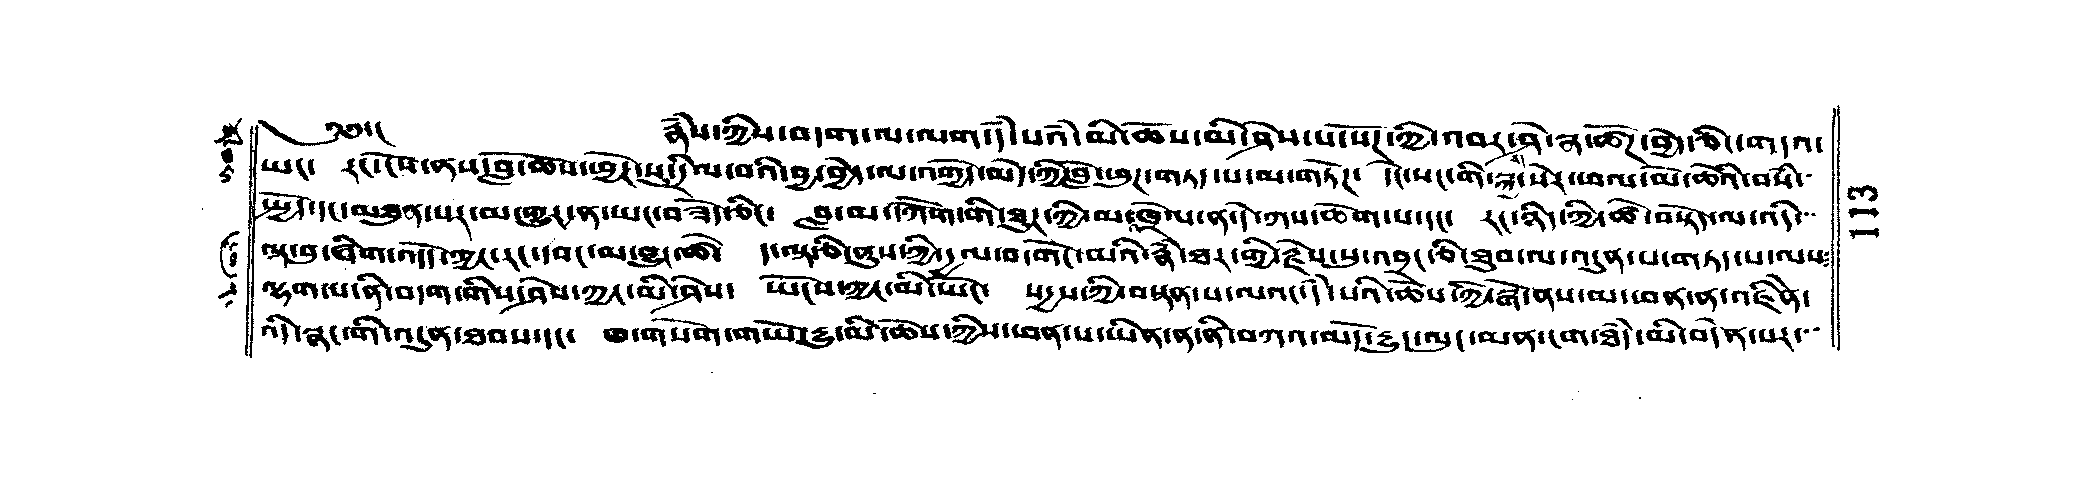རྣམས་ཀྱིས་བདག་ལ་ལག་དམ་པའམ་མི་ཆོས་མི་ཤེས་པ་སོགས་ཀྱི་འབར་གཤེ་སྣ་ཚོགས་བྱེད་ཅིང་། གདའ་
ཡང་། རང་ངོས་ནས་བློ་ཆོས་ཕྱོགས་སུ་དྲིལ་བའི་བྱ་བྱེད་ལ་འགྱོད་མེད་ཀྱི་བློ་ཕུགས་གཏད་པ་མ་གཏོགས། དེང་སང་གི་སྐྱ་སེར་ཕལ་མོ་ཆེའི་བསམ་
སྤྱོད་དང་མཐུན་པར་མ་གྱུར་ན་སྤང་བཟོད་ཅིང་། བླ་མ་དཀོན་མཆོག་གི་ཐུགས་ཀྱི་མ་འཁྲེལ་ན་དེ་ཀས་ཆོག་པ་དང་།རང་ཉིད་ཀྱི་ཚེ་བསྟོད་ལ་འདི་
ལྟ་བུ་ཞིག་འདོད་ཀྱང་རང་དབང་མ་བྱུང་ཞེས། ད་ལྟ་ཅི་ནུས་ཀྱི་རྒྱལ་བ་གོང་མའི་རྣམ་ཐར་གྱི་རྗེས་སུ་འབྲང་ཅི་ཐུབ་ལ་འདུན་པ་གཏད་པ་ལས་
ལྷག་པ་ནི་བདག་གིས་ཤེས་ཀྱང་མི་ཤེས། ཡོང་ཡང་མི་ཡོང་། སངས་རྒྱས་ཀྱི་བསྟན་པ་ལའང་དམ་པའི་ཆོས་ཀྱི་སྒོ་ནས་མ་ཕན་ན་འཇིག་རྟེན་
འདི་སྣང་གི་འདུན་ཐབས་དང་། ཁ་གསག་གཡོ་རྒྱུ་མི་ཆོས་ཀྱིས་ཕན་པ་ཡིན་ན་བཀའ་མདོ་རྒྱུད་ལུང་མན་ངག་ཐམས་ཅད་མི་བདེན་པར་